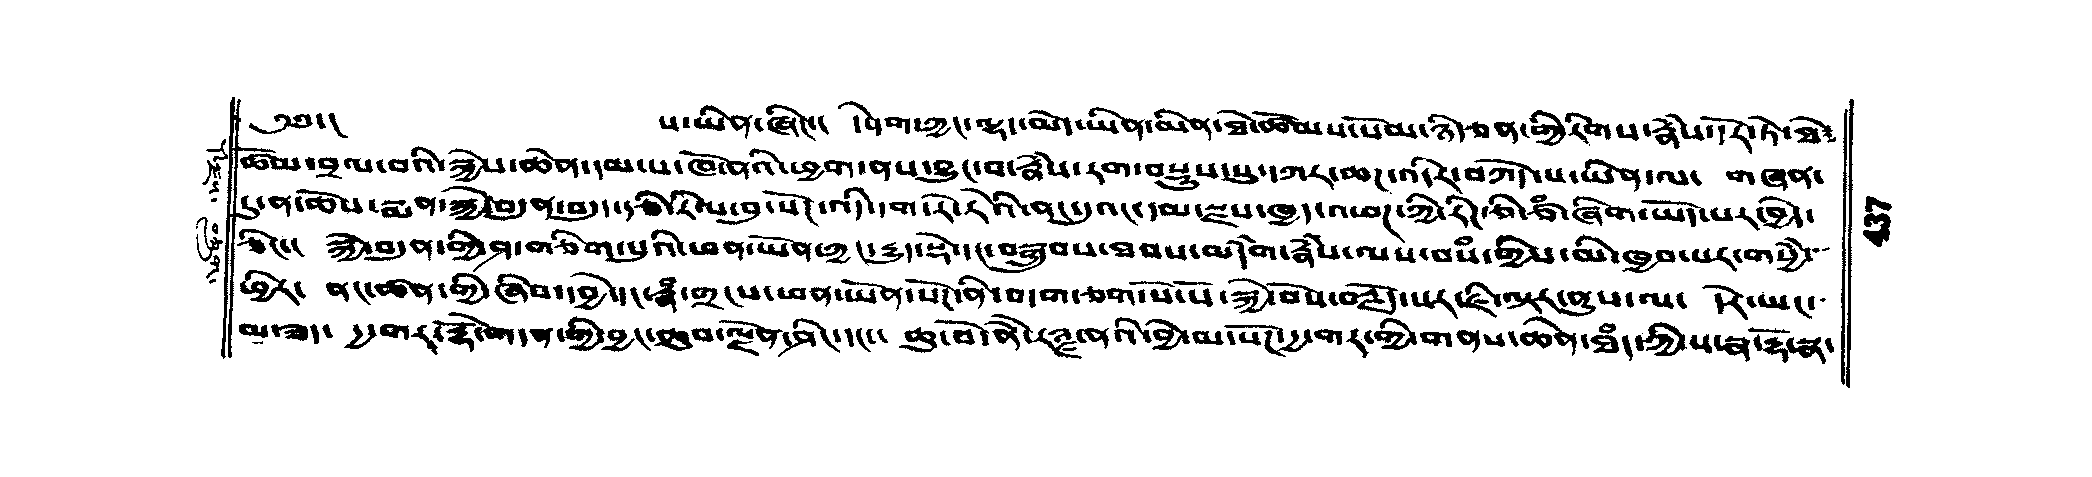པ་ཡིན་ཞིང་། དེ་དག་ཀྱང་ལྷད་མེད་ཡིན་མིན་ཐེ་ཚོམ་སོམ་ཉི་ཅན་གྱི་རིགས་རྣམས་དོར་ཏེ་ཐེ་
ཚོམ་བྲལ་བའི་སྐྱེས་ཆེན་དམ་པ་ཁོ་ནའི་ཕྱག་ནས་བྱུང་བ་རྣམས་རགས་བསྡུས་སུ་དཀར་ཆག་འདིར་བཀོད་པ་ཡིན་ལ། གཞན་
དུ་ན་ཆོས་སྨན་སྐྱེ་བདུན་བདུད་རྩི་རིལ་བུ་སོགས་འདི་དག་རེ་རེའི་ནང་དུའང་དམ་རྫས་ཁྱད་འཕགས་ཀྱི་རིགས་ཅི་ཙམ་ཞིག་ཡོད་པར་བྱེད་
ཅིང་། སྐྱེ་བདུན་གྱི་ཤ་གཅིག་པུའི་ཕན་ཡོན་ཀྱང་རྒྱུད་སྡེ་དང་སྒྲུབ་ཐབས་མན་ངག་ལས་བསམ་གྱི་མི་ཁྱབ་པར་གསུངས་
ཕྱིར། ནང་ཚན་གྱི་ཞིབ་དབྱེ་དང་རྣམ་གྲངས་ཕན་ཡོན་སོགས་ནི་བདག་ཅག་སོ་སོ་སྐྱེ་བོས་བརྗོད་པར་ཇི་ལྟར་ནུས་ལ། དེར་ཡང་
མ་ཟད་ རྒྱ་གར་རྡོ་རྗེ་གདན་གྱི་བྱང་ཆུབ་ལྗོན་ཤིང་དང་། ཆུ་བོ་ནཻ་རཉྫཱ་ནའི་བྱེ་མ་སོགས་རྒྱ་གར་གྱི་གནས་ཆེན་ཐམས་ཅད་ཀྱི་ས་སྣ་རྡོ་སྣ་